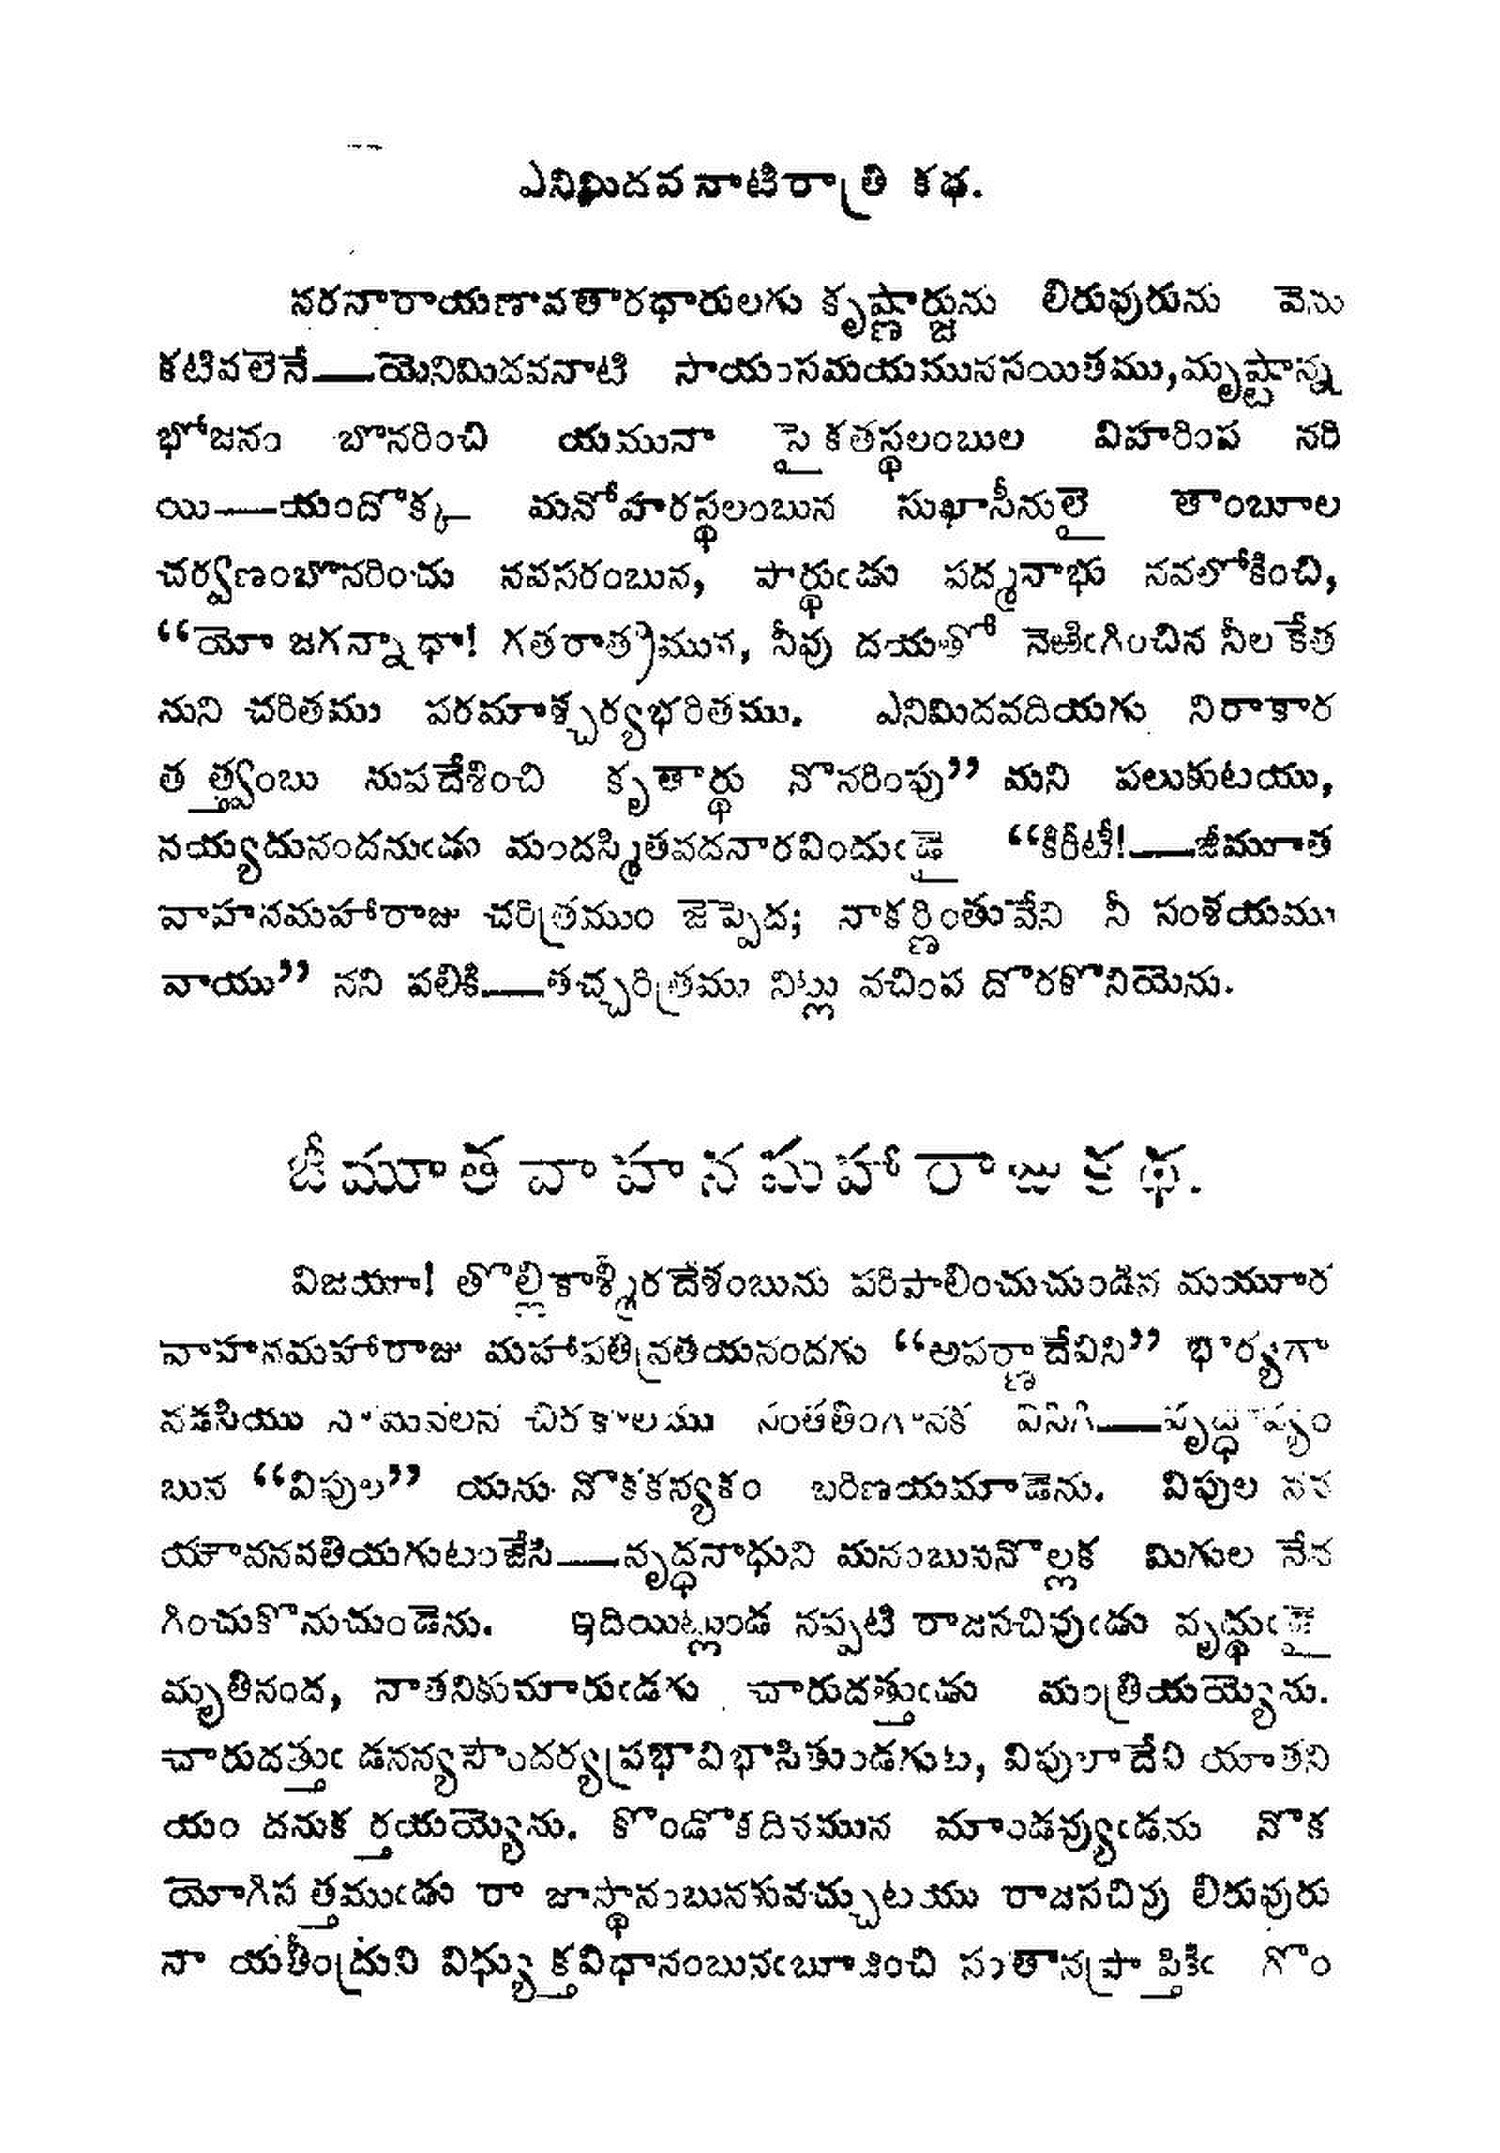నరనారాయణావతారధారులగు కృష్ణార్జును లిరువురును వెనుకటివలెనే——యెనిమిదవనాటి సాయం సమయమున సయితము, మృష్టాన్న భోజనం బొనరించి యమునా సైకతస్థలంబుల విహరింప నరియి——యందొక్క మనోహరస్థలంబున సుఖాసీనులై తాంబూల చర్వణంబొనరించు నవసరంబున, పార్థుఁడు పద్మనాభు నవలోకించి, “యో జగన్నాథా! గతరాత్రమున, నీవు దయతో నెఱిఁగించిన నీలకేతనుని చరితము పరమాశ్చర్యభరితము. ఎనిమిదవదియగు నిరాకార తత్త్వంబు నుపదేశించి కృతార్థు నొనరింపు" మని పలుకుటయు, నయ్యదునందనుఁడు మందస్మితవదనారవిందుఁడై “కిరీటీ! జీమూతవాహనమహారాజు చరిత్రముం జెప్పెడ, నాకర్ణింతువేని నీ సంశయము, వాయు" నని పలికి——తచ్చరిత్రము నిట్లు వచింప దొరకొనియెను.

విజయా! తొల్లి కాశ్మీర దేశంబును పరిపాలించుచుండిన మయూర వాహనమహారాజు మహాపతివ్రతయనందగు "అపర్ణాదేవిని"
భార్యగా వడసియు నామెవలన చిర కాలము సంతతింగానక విసిగి——వృద్ధాప్యంబున “విపుల" యను నొకకన్యకం బరిణయమాడెను. విపుల నవయౌవనవతియగుటం జేసి—— వృద్ధనాధుని మనంబుననొల్లక మిగుల నేవగించుకొనుచుండెను. ఇదియిట్లుండ నప్పటి రాజసచివుఁడు వృద్ధుఁడై మృతినంద, నాతనికుమారుఁడగు చారుదత్తుఁడు మంత్రియయ్యెను.
చారుదత్తుఁ డనన్య సౌందర్య ప్రభావిభాసితుండగుట, విపులా దేని యాతని యం దనుకర్త యయ్యెను. కొండొక దినమున మాండవ్యుఁడను నొక యోగిసత్తముఁడు రాజాస్థానంబునకువచ్చుటయు రాజసచివు లిరువురు నా యతీంద్రుని విధ్యుక్త విధానంబునఁ బూజించి సంతాన ప్రాప్తికిఁ గొం